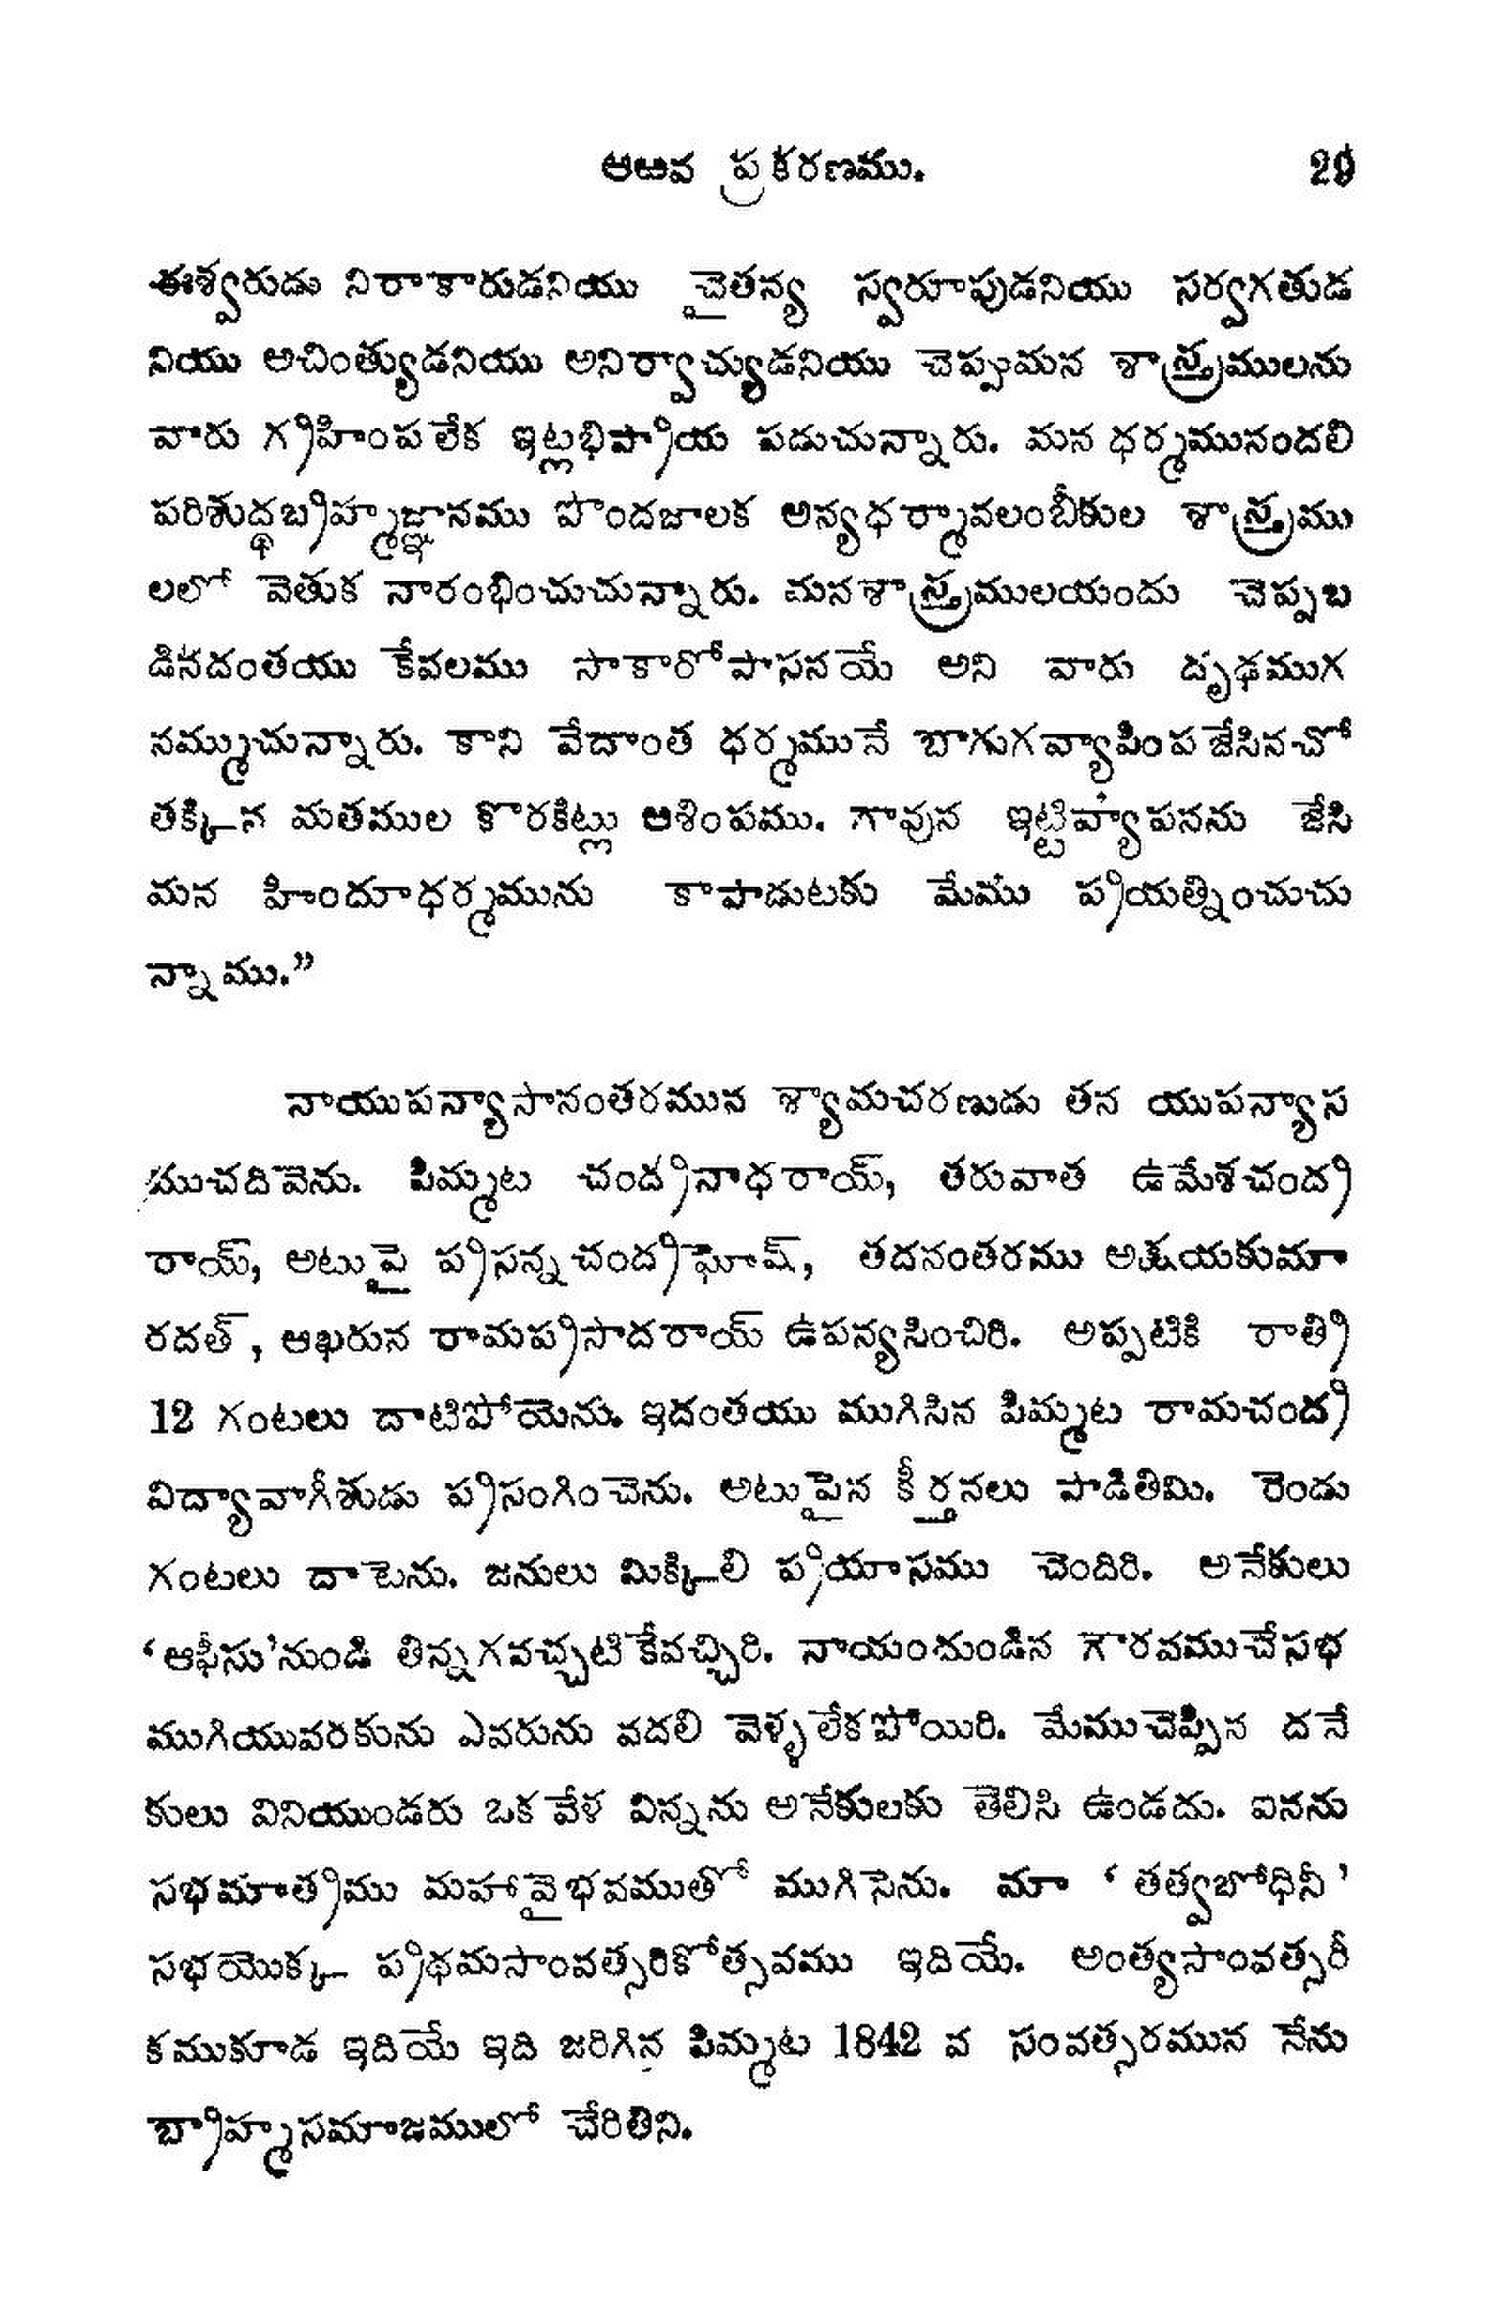ఈశ్వరుడు నిరాకారుడనియు చైతన్య స్వరూపుడనియు సర్వగతుడనియు అచింత్యుడనియు అనిర్వాచ్యుడనియు చెప్పుమన శాస్త్రములను
వారు గ్రహింప లేక ఇట్లభిప్రాయ పడుచున్నారు. మన ధర్మమునందలి
పరిశుద్ధ బ్రహ్మజ్ఞానము పొందజాలక అన్యధర్మావలం బీకుల శాస్త్రము
లలో వెతుక నారంభించుచున్నారు. మనశాస్త్రములయందు చెప్పబడిన 
దంతయు కేవలము సాకారోపాసనయే అని వారు దృఢముగ నమ్ముచున్నారు. 
కాని వేదాంత ధర్మమునే బాగుగ వ్యాపింప జేసినచో తక్కిన మతముల కొరకట్లు ఆశింపము, గావున ఇట్టివ్యాపసను జేసిమన హిందూధర్మమును కాపాడుటకు మేము ప్రయత్నించుచున్నాము.”

నాయుపన్యాసానంతరమున శ్యామచరణుడు తన యుపన్యాసము చదివెను. పిమ్మట చందనాధరాయ్, తరువాత ఉమేశచంద్రరాయ్, అటుపై ప్రసన్న చంద్ర ఘోష్, తదనంతరము అక్షయకుమారదత్ , ఆఖరున రామప్రసాదరాయ్ ఉపన్యసించిరి. అప్పటికి రాత్రి 12 గంటలు దాటిపోయెను. ఇదంతయు ముగిసిన పిమ్మట రామచంద్రవిద్యా వాగీశుడు ప్రసంగించెను. అటు పైన కీర్తనలు పొడితిమి. రెండు
గంటలు దాటెను. జనులు మిక్కిలి ప్రయాసము చెందిరి. అనేకులు
“ ఆఫీసు నుండి తిన్నగ నిచ్చటి కేవచ్చిరి. నాయందుండిన గౌరవము చేసభ
ముగియు వరకును ఎవరును వదలి వెళ్ళలే లేకపోయిరి. మేము చెప్పిన దనే
కులు వినియుండరు ఒక వేళ విన్నను అనేకులకు తెలిసి ఉండదు. ఐనను
సభమాత్రము మహా వైభవముతో ముగిసేను. మా ' తత్వబోధినీ '
సభ యొక్క ప్రథమసాంవత్సరికోత్సవము ఇదియే. అంత్య సాంవత్సరీ
కముకూడ ఇదియే ఇది జరిగిన పిమ్మట 1842 వ సంవత్సరమున నేను
బ్రాహ్మసమాజములో చేరితిని,